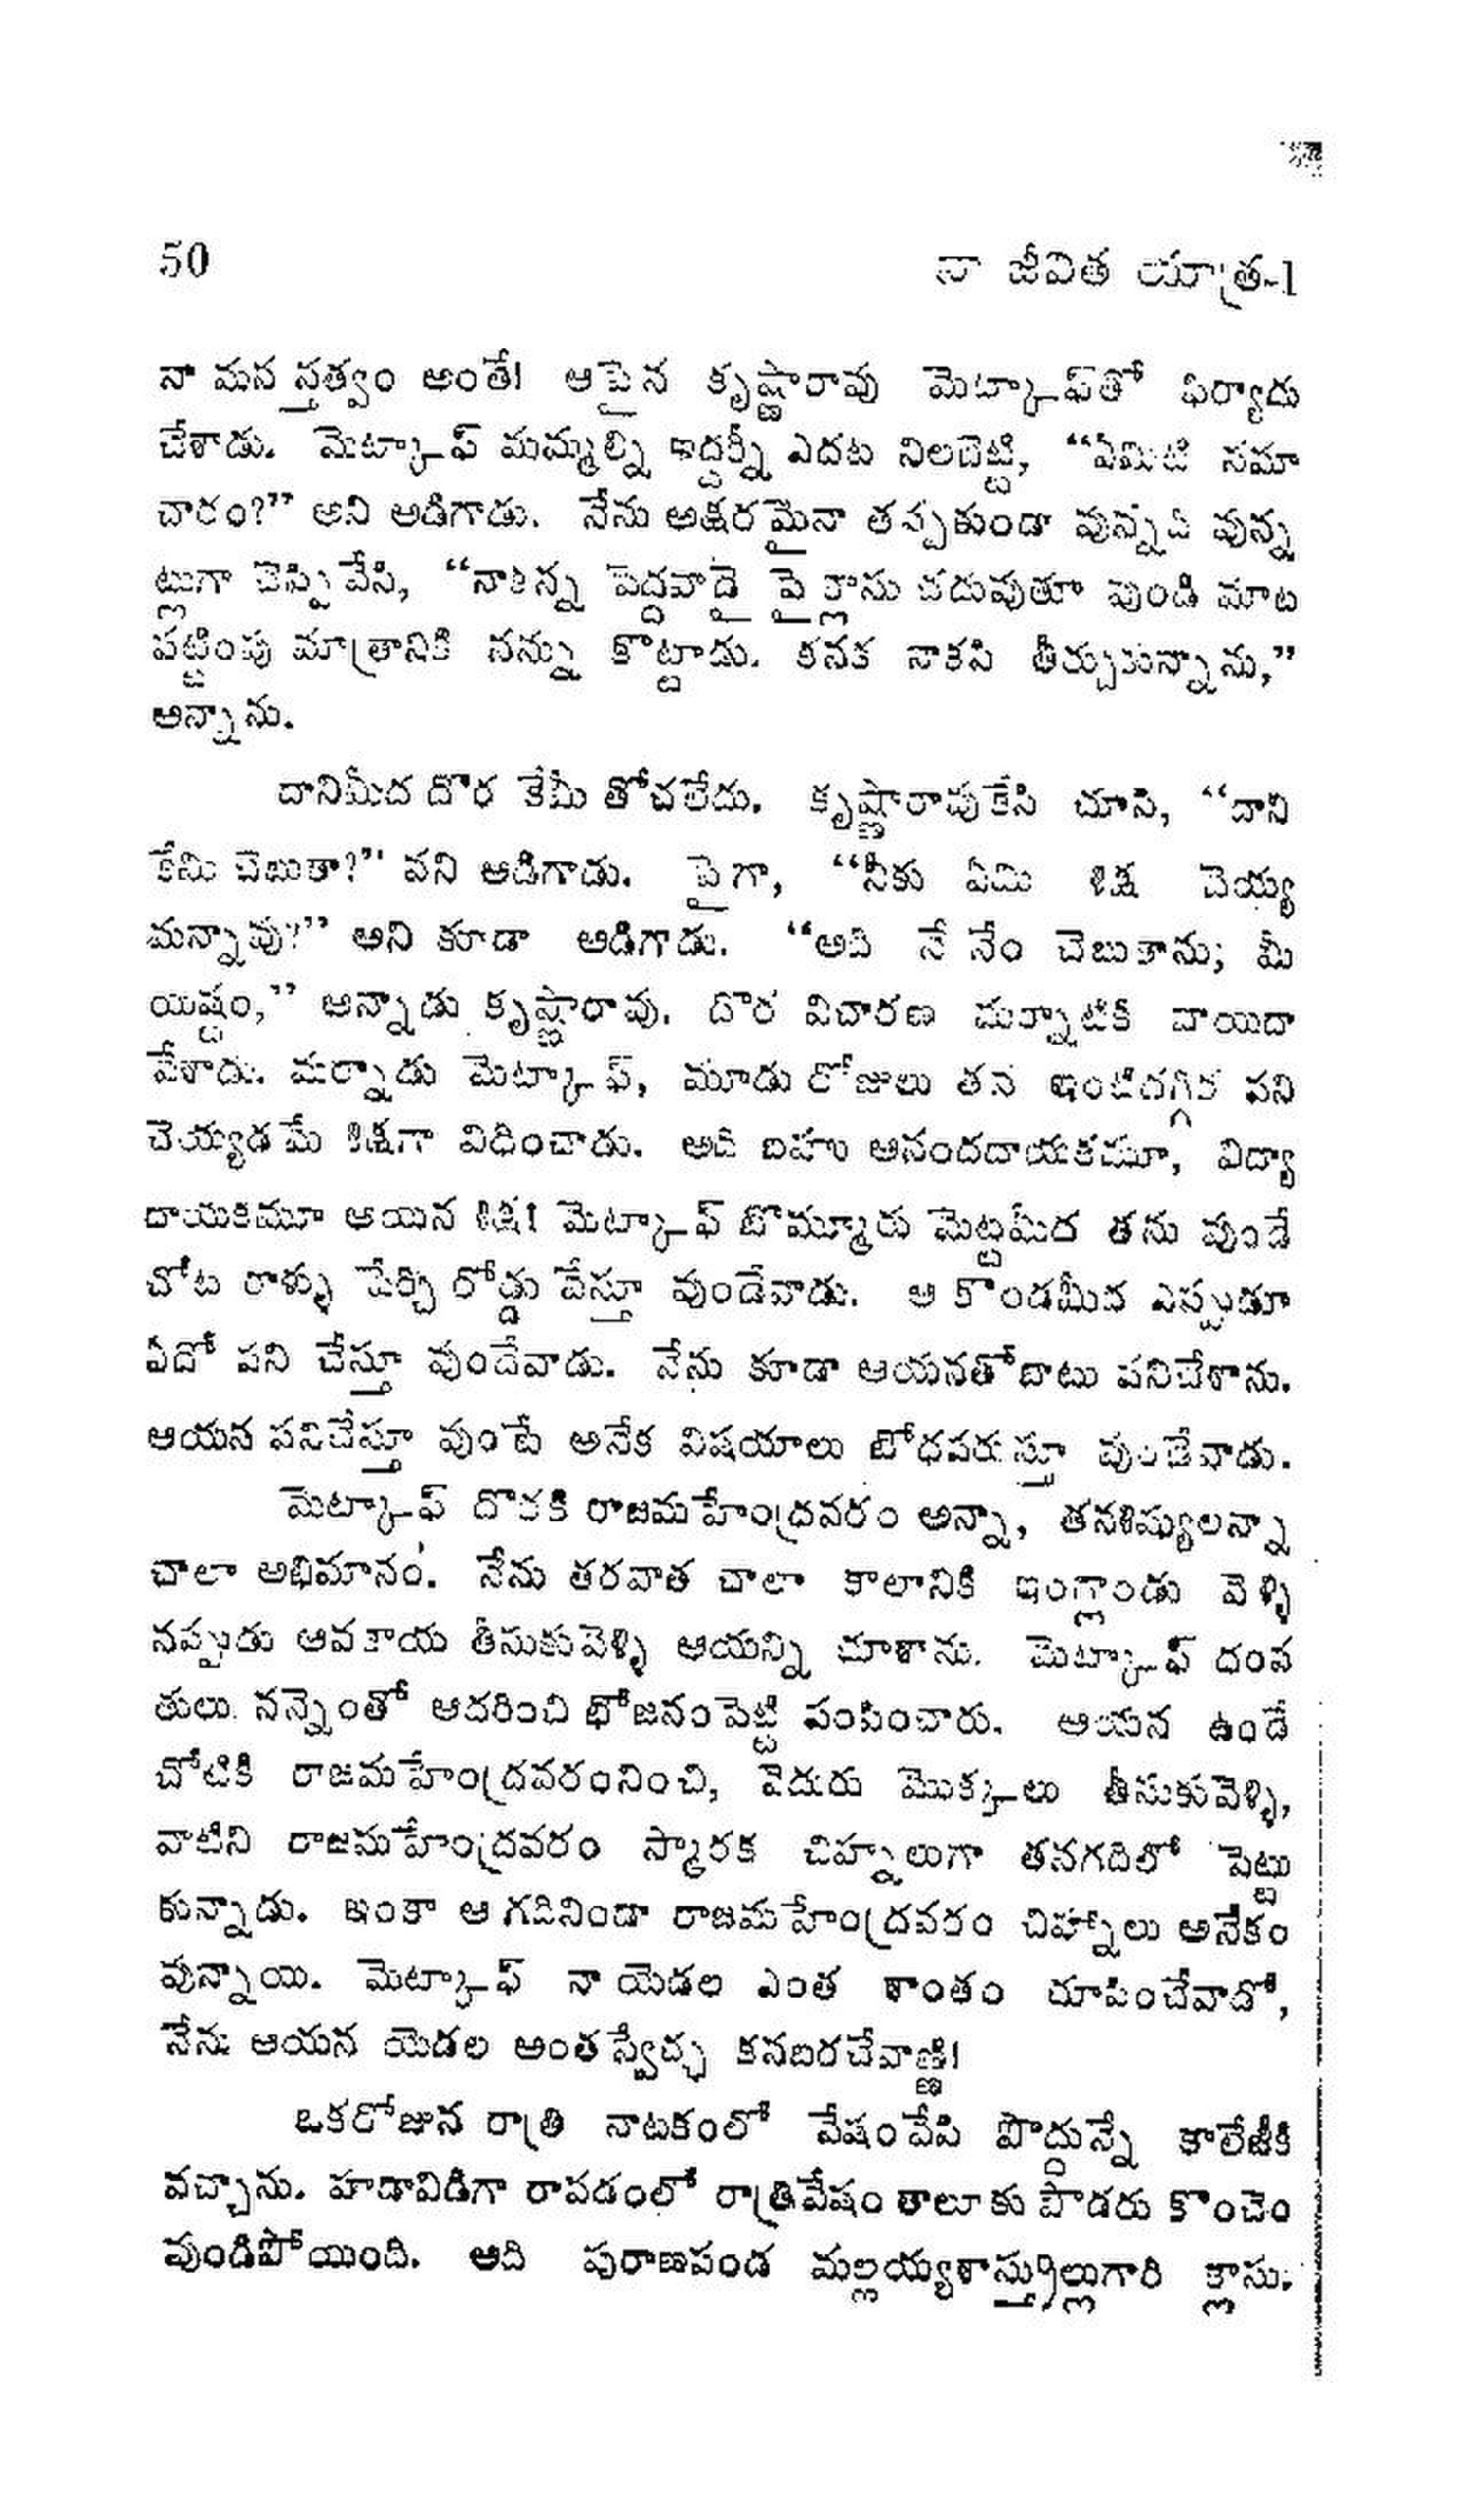నా మనస్తత్వం అంతే! ఆపైన కృష్ణారావు మెట్కాఫ్‌తో ఫిర్యాదు చేశాడు. మెట్కాఫ్ మమ్మల్ని ఇద్దర్నీ ఎదట నిలబెట్టి, "ఏమిటి సమాచారం?" అని అడిగాడు. నేను అక్షరమైన తప్పకుండా వున్నది వున్నట్లుగా చెప్పివేసి, "నాకన్న పెద్దవాడై పైక్లాసు చదువుతూ వుండి మాట పట్టింపు మాత్రానికి నన్ను కొట్టాడు. కనక నాకసి తీర్చుకున్నాను," అన్నాను.

దానిమీద దొర కేమీ తోచలేదు. కృష్ణారావుకేసి చూసి, "దానికేమి చెబుతా?" వని అడిగాడు. పైగా, "నీకు ఏమి శిక్ష వెయ్యమన్నావు?" అని కూడా అడిగాడు. "అది నే నేం చెబుతాను; మీ యిష్టం," అన్నాడు కృష్ణారావు. దొర విచారణ మర్నాటికి వాయిదా వేశాడు. మర్నాడు మెట్కాఫ్, మూడు రోజులు తన ఇంటిదగ్గిర పని చెయ్యడమే శిక్షగా విధించాడు. అది బహు ఆనందదాయకమూ, విద్యాదాయకమూ అయిన శిక్ష! మెట్కాఫ్ బొమ్మూరు మెట్టమీద తను వుండేచోట రాళ్ళు పేర్చి రోడ్డు వేస్తూ వుండేవాడు. ఆ కొండమీద ఎప్పుడూ ఏదో పని చేస్తూ వుండేవాడు. నేను కూడా ఆయనతోబాటు పనిచేశాను. ఆయన పనిచేస్తూ వుంటే అనేక విషయాలు బోధపరుస్తూ వుండేవాడు.

మెట్కాఫ్ దొరకి రాజమహేంద్రవరం అన్నా, తనశిష్యులన్నా చాలా అభిమానం. నేను తరవాత చాలా కాలానికి ఇంగ్లాండు వెళ్ళినప్పుడు ఆవకాయ తీసుకువెళ్ళి ఆయన్ని చూశాను. మెట్కాఫ్ దంపతులు నన్నెంతో ఆదరించి భోజనంపెట్టి పంపించారు. ఆయన ఉండేచోటికి రాజమహేంద్రవరంనించి, వెదురు మొక్కలు తీసుకువెళ్ళి, వాటిని రాజమహేంద్రవరం స్మారక చిహ్నలుగా తనగదిలో పెట్టుకున్నాడు. ఇంకా ఆ గదినిండా రాజమహేంద్రవరం చిహ్నాలు అనేకం వున్నాయి. మెట్కాఫ్ నా యెడల ఎంత శాంతం చూపించేవాడో, నేను ఆయన యెడల అంతస్వేచ్ఛ కనబరచేవాణ్ణి!

ఒకరోజున రాత్రి నాటకంలో వేషంవేసి పొద్దున్నే కాలేజీకి వచ్చాను. హడావిడిగా రావడంలో రాత్రివేషం తాలూకు పౌడరు కొంచెం వుండిపోయింది. అది. పురాణపండ మల్లయ్యశాస్త్రుల్లుగారి క్లాసు.